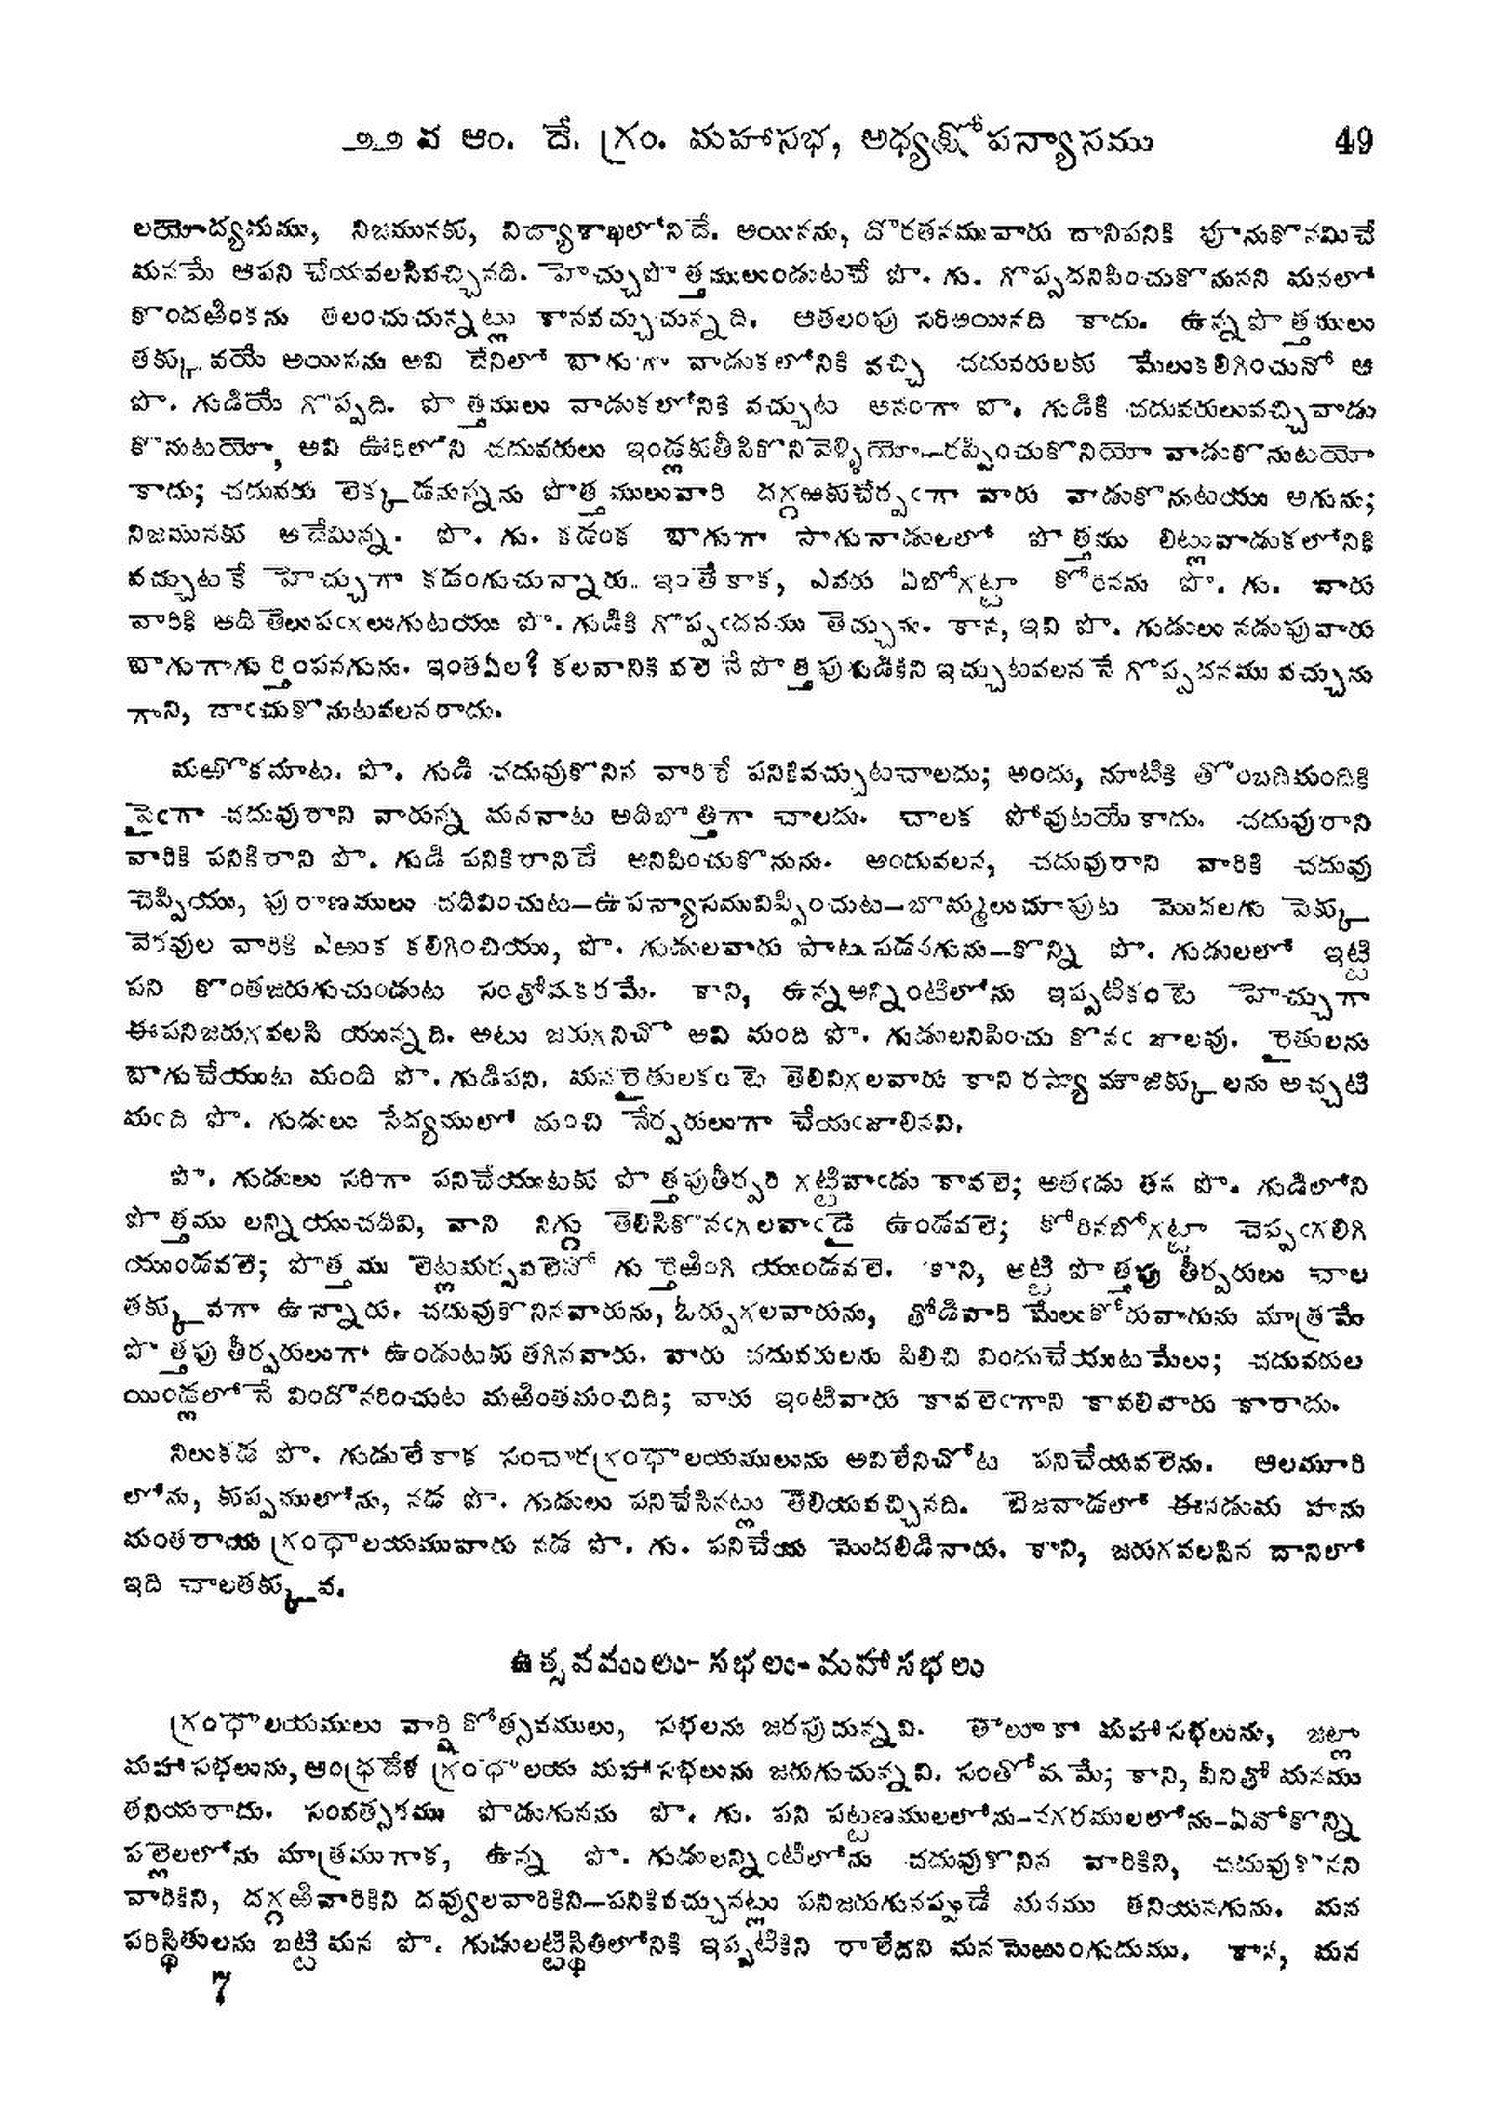లయోద్యమము, నిజమునకు, విద్యాశాఖలోనిదే. అయినను, దొరతనమువారు దానిపనికి పూనుకొనమిచే మనమే ఆపని చేయవలసివచ్చినది. హెచ్చుపొత్తములుండుటచే పొ.గు. గొప్పదనిపించుకోమనని మనలో కొందఱింకను తలంచుచున్నట్లు కానవచ్చుచున్నది. ఆతలంపు సరిపోయినది కాదు. ఉన్న పొత్తములు తక్కువయే అయినను అవి దేనిలో బాగుగా 
వాడుకలోనికి వచ్చి చదువరులకు మేలుకలిగించునో ఆ పొ.గుడియే గొప్పది. పొత్తములు వాడుకలోనికి వచ్చుట అనంగా పొ.గుడికి చదువరులు వచ్చివాడు కొనుటయో, అవి ఊరిలోని చదువరులు ఇండ్లకు తీసికొనివెళ్ళియో-రప్పించుకొనియో వాడుకొనుటయో కాదు; చదువరు లెక్కడమున్నును పొత్తములువారి దగ్గఱకుచేర్పఁగా వారు వాడుకొనుటయు అగును; నిజమునకు ఆదేమిన్న. పొ.గు.కడంక బాగుగా సాగునాడులలో పొత్తము లిట్టువాడుకలోనికి వచ్చుటకే హెచ్చుగా కడంగుచున్నారు. ఇంతేకాక, ఎవరు ఏబోగట్టా కోరినను పొ.గు.వారు వారికి అది తెలుపఁగలుగుటయు పొ.గుడికి గొప్పఁదనము తెచ్చును. కాన, ఇవి పొ.గుడులు నడుపువారు బాగుగా గుర్తింపనగును. ఇంతఏల? కలవానికి వలెనే పొత్తిపుకుడికిని ఇచ్చుటవలననే గోప్పదనము వచ్చును గాని, దాఁచుకొనుటవలన రాదు.

మఱోకమాట. పొ.గుడి చదువుకొనిన వారికే పనికివచ్చుట చాలదు; అందు, నూటికి తొంబదిమందికి పైఁగా చదువురాని 
వారున్న మననాట అదీబొత్తిగా చాలదు. చాలక పోవుటయే కాదు. చదువురాని వారికి పనికిరాని పొ.గుడి పనికిరానిదే 
అనిపించుకొనును. అందువలన, చదువురాని వారికి చదువు చెప్పియు, పురాణములు చదివించుట—ఉపన్యాసము 
విప్పించుట-బొమ్మలుచూపుట మొదలగు పెక్కు వెరవుల వారికి ఎఱుక కలిగించియు, పొ.గుడులవారు పాటు పడనగును
-కొన్ని పొ.గుడులలో ఇట్టి పని కొంతఱరుగుచుండుట సంతోషకరమే. కాని, ఉన్నఅన్నింటిలోను ఇప్పటికంటే హెచ్చుగా
ఈ పని జరుగవలసియున్నది. అటు జరుగనిచో అవి మంది సొ.గుడులనిపించు కొనఁజాలవు. రైతులను బాగుచేయుట 
మంది పొ.గుడిపని. మన రైతులకంటే తెలివిగలవారు కాని రష్యా మౌజిక్కులను అచ్చటి మంది పొ.గుడులు సేద్యములో 
నుంచి నేర్పరులుగా చేయఁజాలినవి,

పొ.గుడులు సరిగా పనిచేయుటకు పొత్తపుతీర్పరి గట్టివాఁడు కావలె; అతఁడు తన పొ.గుడిలోని పొత్తము లన్నియుచదివి, 
వాని నిగ్గు తెలిసికొనఁగలవాఁడై ఉండవలె; కోరినబోగట్టా చెప్పఁగలిగి యుండవలె; పొత్తము లెట్లమర్పవలెనో గుర్తెఱింగి 
యుండవలె. కాని, అట్టి పొత్తపు తీర్పరులు తక్కువగా ఉన్నారు. చదువుకొనినవారును, ఓర్పుగలవారును, తోడివారి 
మేలు కోరువారును మాత్రమే పొత్తపుతీర్పరులుగా ఉండుటకు తగినవారు. వారు చదువరులను పిలిచి విందుచేయటమేలు; 
చదువరుల యిండ్లలోనే విందొనరించుట మఱింతమంచిది; వారు ఇంటివారు కావలెఁగాని కావలివారు కారాదు.

నిలుకడ పొ.గుడులేకాక సంచార గ్రంధాలయములును అవిలేనిచోట పనిచేయవలెను. ఆలమూరి లోను, కుప్పములోను, 
నడ పొ.గుడులు పనిచేసినట్లు తెలియవచ్చినది. బెజవాడలో ఈనడుమ హనుమంతరాయ గ్రంథాలయమువారు నడ 
పొ.గు. పనిచేయ మొదలిడినారు. కాని, జరుగవలసిన దానిలో ఇది చాలతక్కువ.

గ్రంధాలయములు వార్షికోత్సవములు, సభలను జరపుచున్నవి. తాలూకా మహాసభలును, జిల్లా మహాసభలుసు, 
ఆంధ్రదేశ గ్రంధాలయ మహాసభలును జరుగుచున్నవి. సంతోషమే; కాని, వీనితో మనము లేనియరాదు. సంవత్సరము
పొడుగునను పొ.గు. పని పట్టణములలోను-నగరములలోను-ఏవోకొన్ని పల్లెలలోను మాత్రముగాక, ఉన్న పొ.గుడులన్నింటిలోను చదువుకొనిన వారికిని, చదువుకొనని వారికిని, దగ్గఱివారికిని దవ్వులవారికిని-పనికివచ్చునట్లు పని జరుగునప్పుడే మనము 
తనియనగును. పరిస్థితులను బట్టి మన పొ.గుడులట్టిస్థితిలోనికి ఇప్పటికిని రాలేదని మన మెఱుంగుదుము. కాని, మన